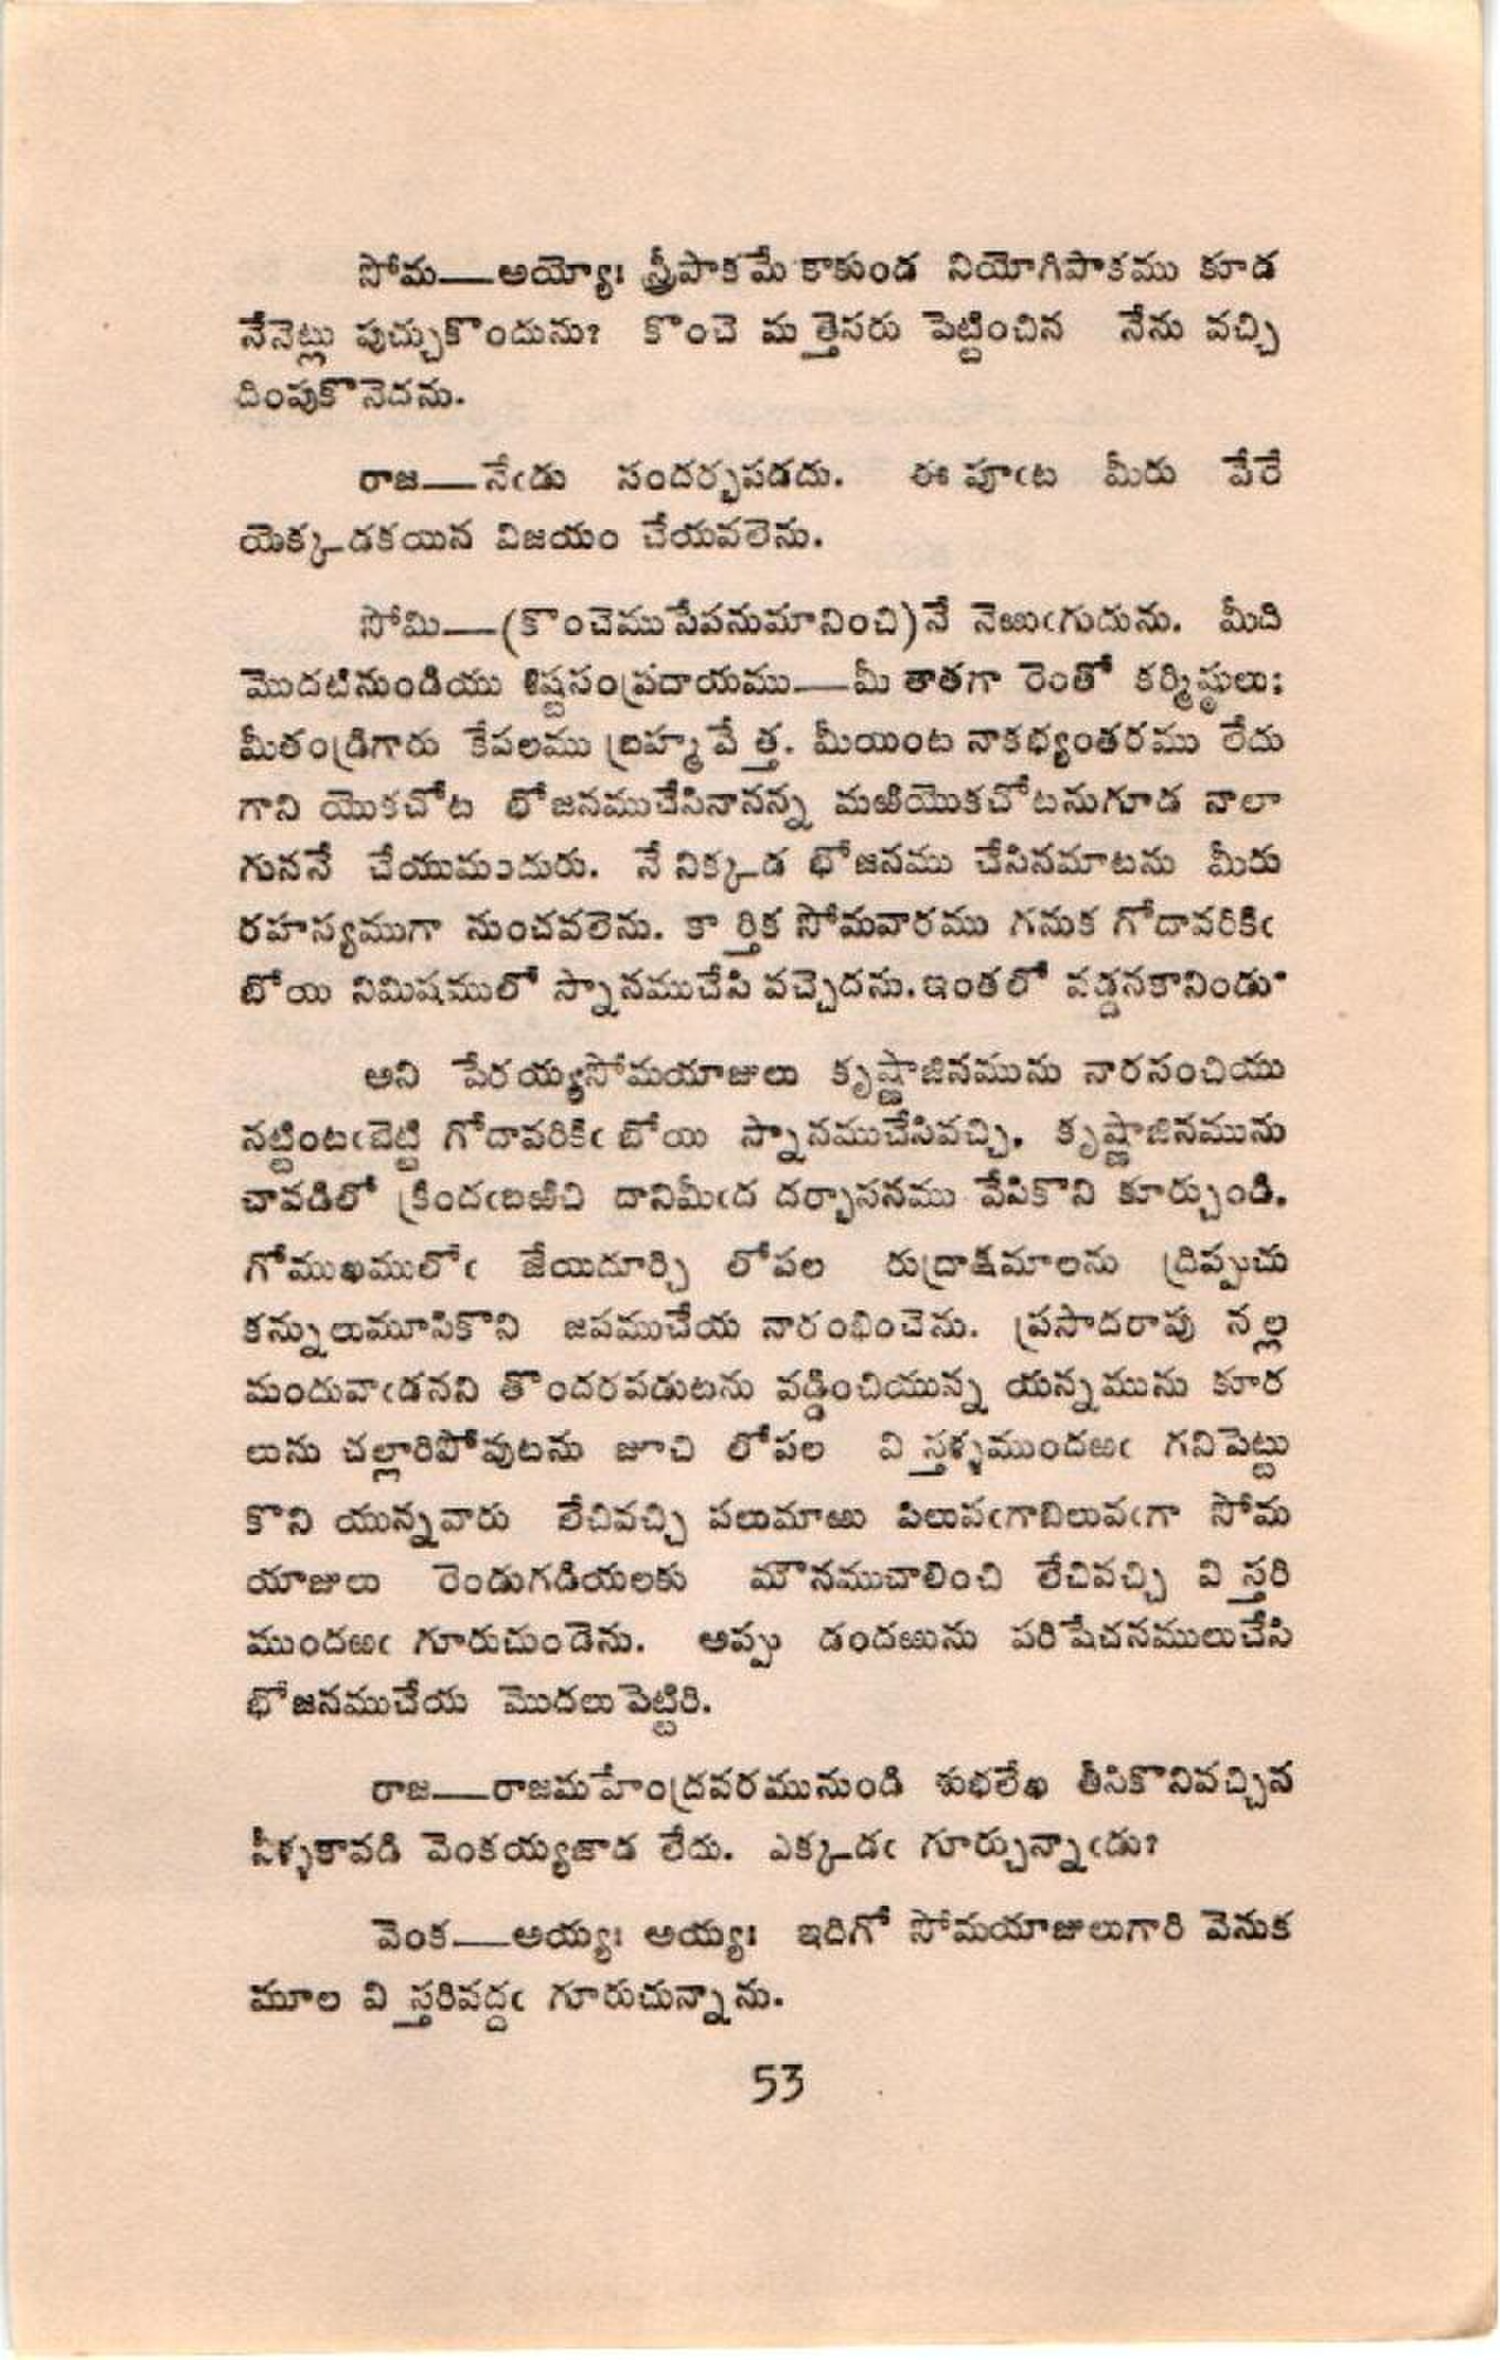సోమ__అయ్యో ! స్త్రీ పాకమే కాకుండ నియోగిపాకము కూడ నేనెట్లు పుచ్చుకొందును? కొంచె మత్తెసరు పెట్టించిన నేను వచ్చి దింపుకొనెదను.

రాజ__నేఁడు సందర్భపడదు. ఈ పూఁట మీరు వేరే యొక్కడకయిన విజయం చేయవలెను.

సోమి__(కొంచెము సేవనుమానించి)నే నెఱుఁగుదును. మీది మొదటినుండియు శిష్ట సంప్రప్రదాయము__మీ తాతగారెంతో కర్మిష్టులు; మీతండ్రిగారు కేవలము బ్రహ్మవేత్త, మీయింట నాకభ్యంతరము లేదు గాని యొకచోట భోజనముచేసినానన్న మఱియొకచోటనుగూడ నాలాగుననే చేయుమందురు. నేనిక్కడ భోజనము చేసినమాటను మీరు రహస్యముగా నుంచవలెను. కార్తిక సోమవారము గనుక గోదావరికిఁ బోయి నిమిషములో స్నానముచేసి వచ్చెదను.ఇంతలో వడ్డనకానిండు"

అని పేరయ్యసోమయాజులు కృష్ణాజినమును నారసంచియు నట్టింటఁబెట్టి గోదావరికిఁ బోయి స్నానముచేసివచ్చి, కృష్ణాజినమును చావడిలో క్రిందఁబఱచి దానిమీఁద దర్భాసనము వేసికొని కూర్చుండి. గోముఖములోఁ జేయిదూర్చి లోపల రుద్రాక్షమాలను ద్రిప్పుచు కన్నులుమూసికొని జపముచేయ నారంభించెను. ప్రసాదరావు నల్ల మందువాఁడనని తొందరపడుటను వడ్డించియున్న యన్నమును కూర లను చల్లారిపోవుటను జూచి లోపల విస్తళ్ళముందఱఁ గనిపెట్టు కొని యున్నవారు లేచివచ్చి పలుమాఱు పిలువఁగాబిలువఁగా సోమ యాజులు రెండుగడియలకు మౌనముచాలించి లేచివచ్చి విస్తరి ముందఱఁ గూరుచుండెను. అప్పుడందఱును పరిషేచనములుచేసి భోజనముచేయ మొదలుపెట్టిరి.

రాజ__రాజమహేంద్రవరమునుండి శుభలేఖ తీసికొనివచ్చిన నీళ్ళకావడి వెంకయ్యజాడ లేదు. ఎక్కడఁ గూర్చున్నాఁడు?

వెంక__అయ్య! అయ్య ! ఇదిగో సోమయాజులుగారి వెనుక మూల విస్తరివద్దఁ గూరుచున్నాను.